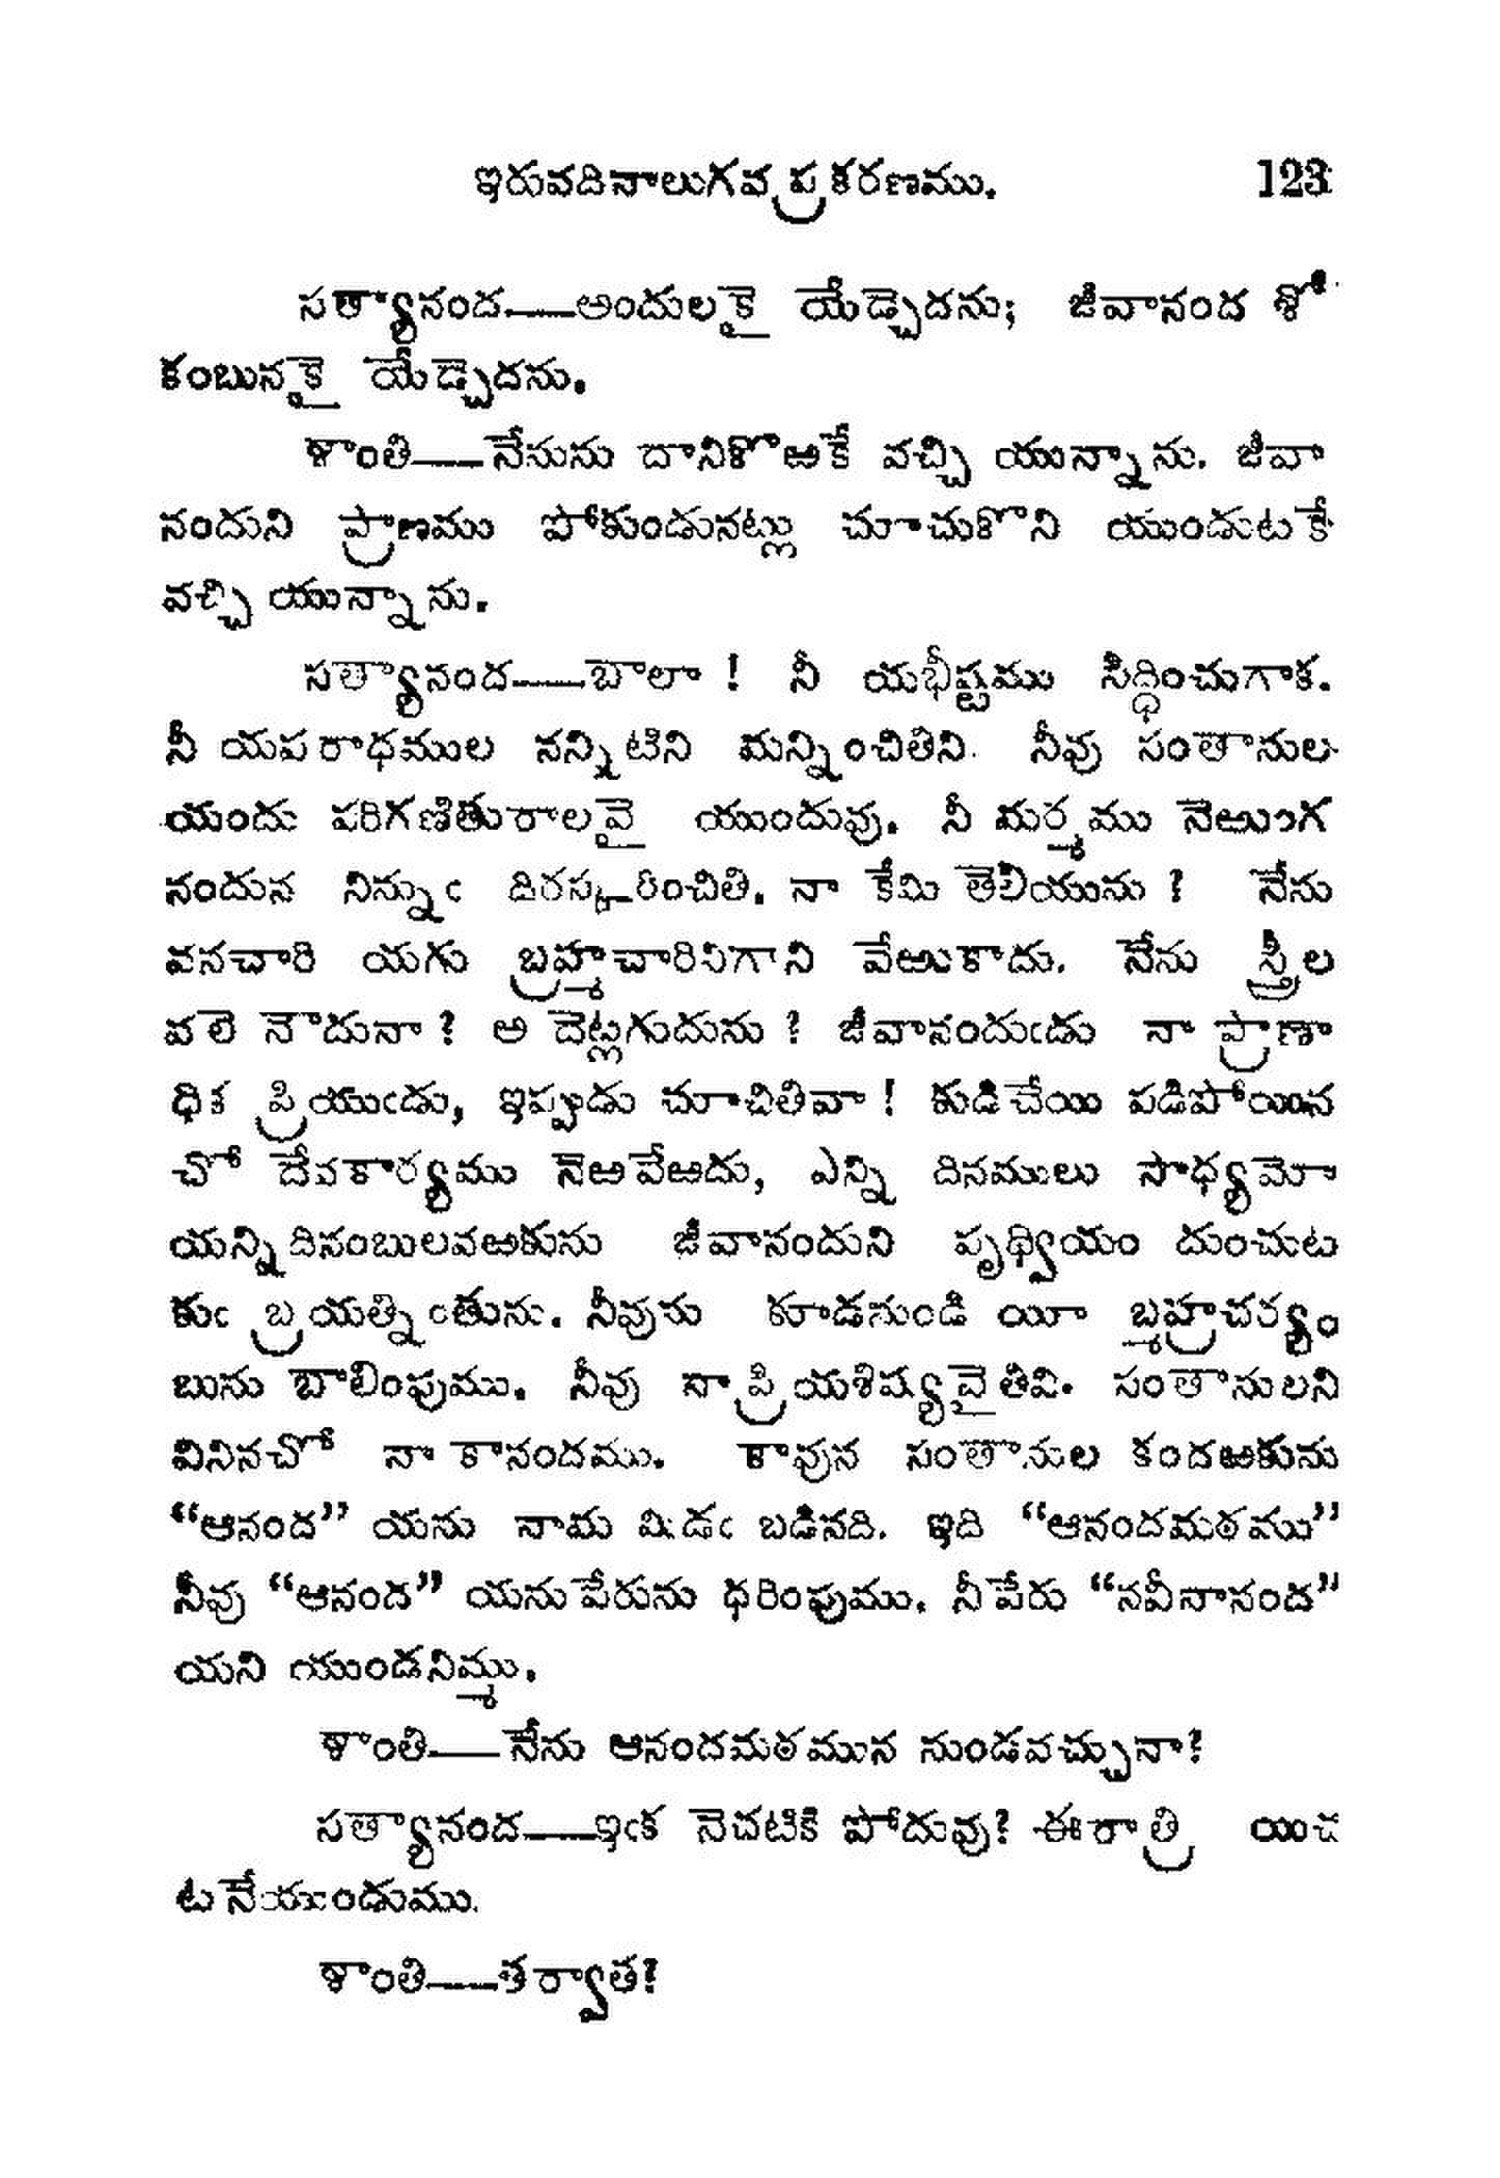సత్యానంద—— అందులకై యేడ్చెదను; జీవానంద శోకంబునకై యేడ్చెదను.

శాంతి—— నేనును దానికొఱకే వచ్చి యున్నాను. జీవానందుని ప్రాణము పోకుండునట్లు చూచుకొని యుండుటకే వచ్చి యున్నాను.

సత్యానంద——బాలా ! నీ యభీష్టము సిద్ధించుగాక. నీ యపరాధముల నన్నిటిని మన్నించితిని. నీవు సంతానుల యందు పరిగణితురాలవై యుందువు. నీ మర్మము నెఱుంగ నందున నిన్నుఁ దిరస్కరించితి, నా కేమి తెలియును? నేను
వనచారి యగు బ్రహ్మచారినిగాని వేఱుకాదు. నేను స్త్రీల వలె నౌదునా? అ దెట్లగుదును ? జీవానందుఁడు నా ప్రాణాధిక ప్రియుఁడు, ఇప్పుడు చూచితివా ! కుడి చేయి పడిపోయినచో దేవకార్యము నెఱవేఱదు, ఎన్ని దినములు సాధ్యమో
యన్ని దినంబులవఱకును జీవానందుని పృథ్వియం దుంచుటకు బ్రయత్నింతును. నీవును కూడనుండి యీ బ్రహ్మచర్యంబును బాలింపుము. నీవు నా ప్రియశిష్య వైతివి. సంతానులని వినినచో నా కానందము. కావున సంతానుల కందఱకును "ఆనంద” యను నామ మిడఁ బడినది. ఇది “ఆనందమఠము" నీవు “ఆనంద" యను పేరును ధరింపుము. నీ పేరు "నవీనానంద" యని యుండనిమ్ము.

శాంతి—— నేను ఆనందమఠమున నుండవచ్చునా?

సత్యానంద——ఇఁక నెచటికి పోదువు? ఈ రాత్రి యిచటనే యుండుము.

శాంతి——తర్వాత?